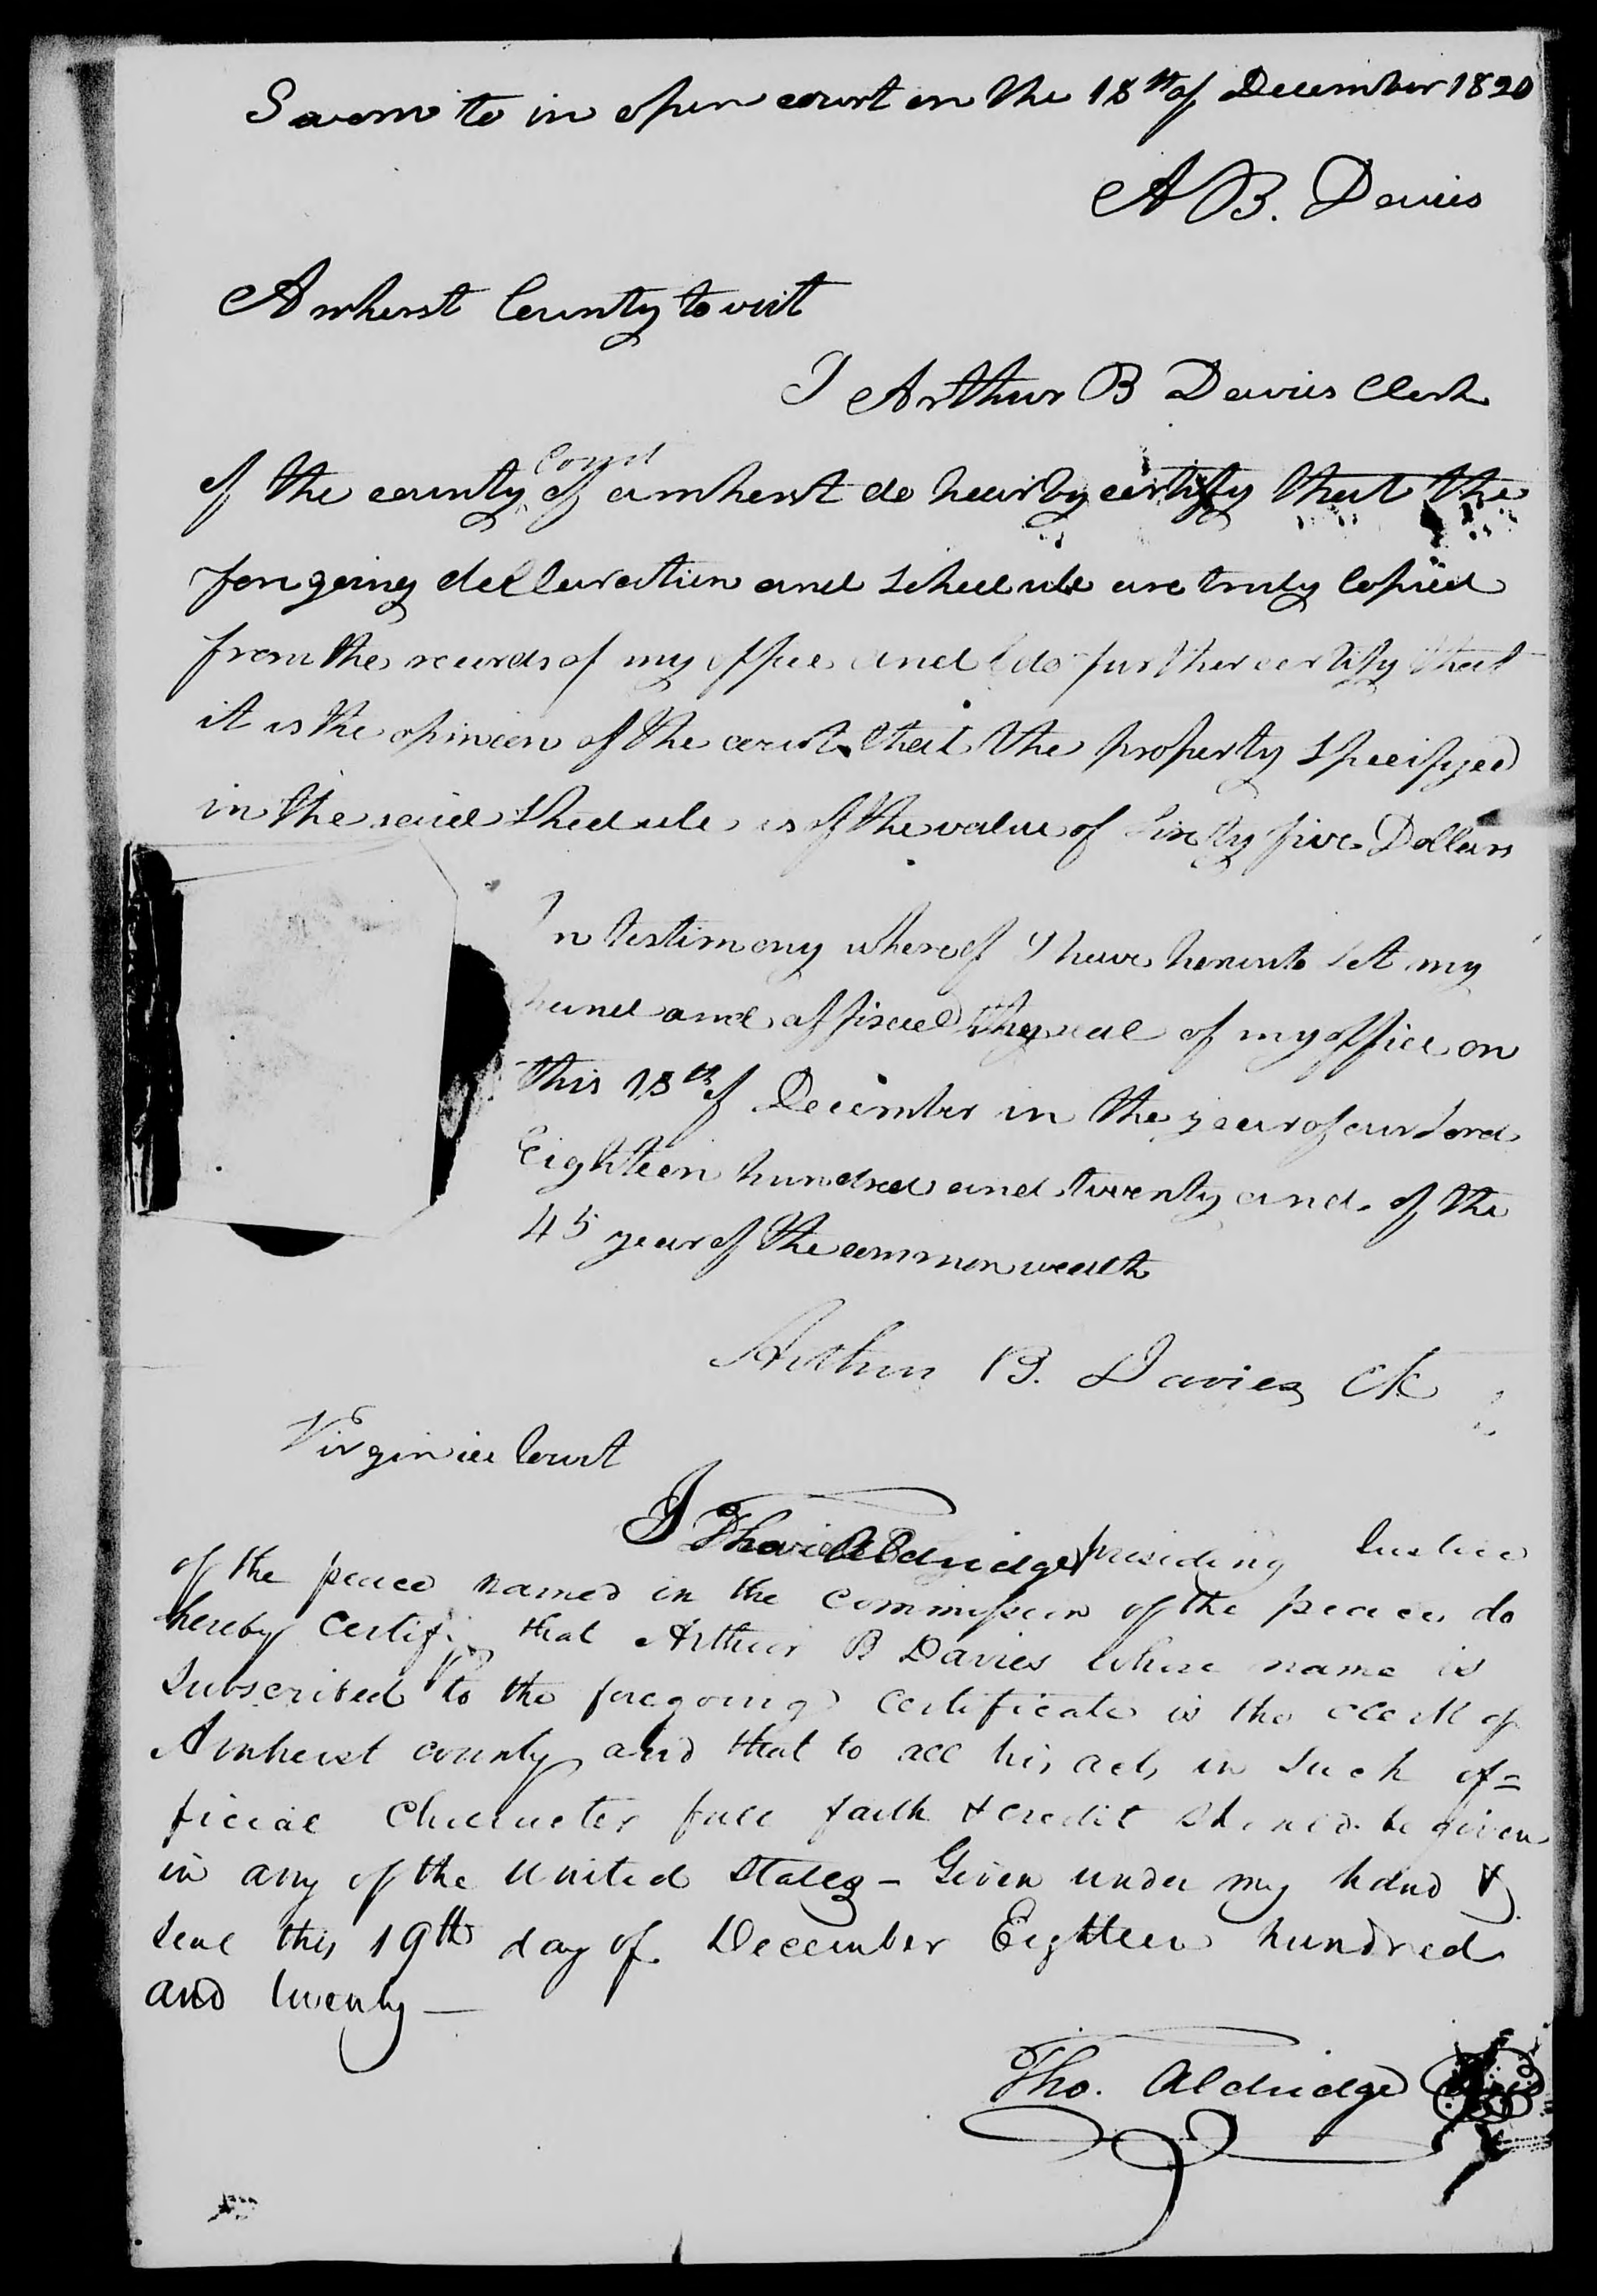Sworn to in open court on the 18ᵗʰ of December 1820

A. B. Davis [signature]

Amherst County to wit

I Arthur B Davis clerk of the county ^court of amherst do hereby certify that the foregoing declaration and schedule are truly copied from the records of my office and do further certify that it is the opinion of the court that the property specified in the said schedule is of the value of Sixty five Dollars

In testimony whereof I have hereunto set my hand and affixed the seal of my office on this 18ᵗʰ of December in the year of our Lord Eighteen hundred and twenty and of the 45 year of the commonwealth

Arthur B. Davis [signature] ck.

Virginia Court

I Tho Aldridge presiding Justice of the peace named in the commission of the peace do hereby certify that Arthur B Davis whose name is subscribed to the foregoing certificate is the clerk of Amherst county and that to all his acts in such official character full faith & credit should be given in any of the United States_

Given under my hand & seal this 19ᵗʰ day of December Eighteen hundred and twenty_

Tho. Aldridge [signature]  seal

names: Arthur B Davies; Tho Aldridge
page: 23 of 23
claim: survivor's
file: S. 38226, for Archelaus Mitchell, Virginia